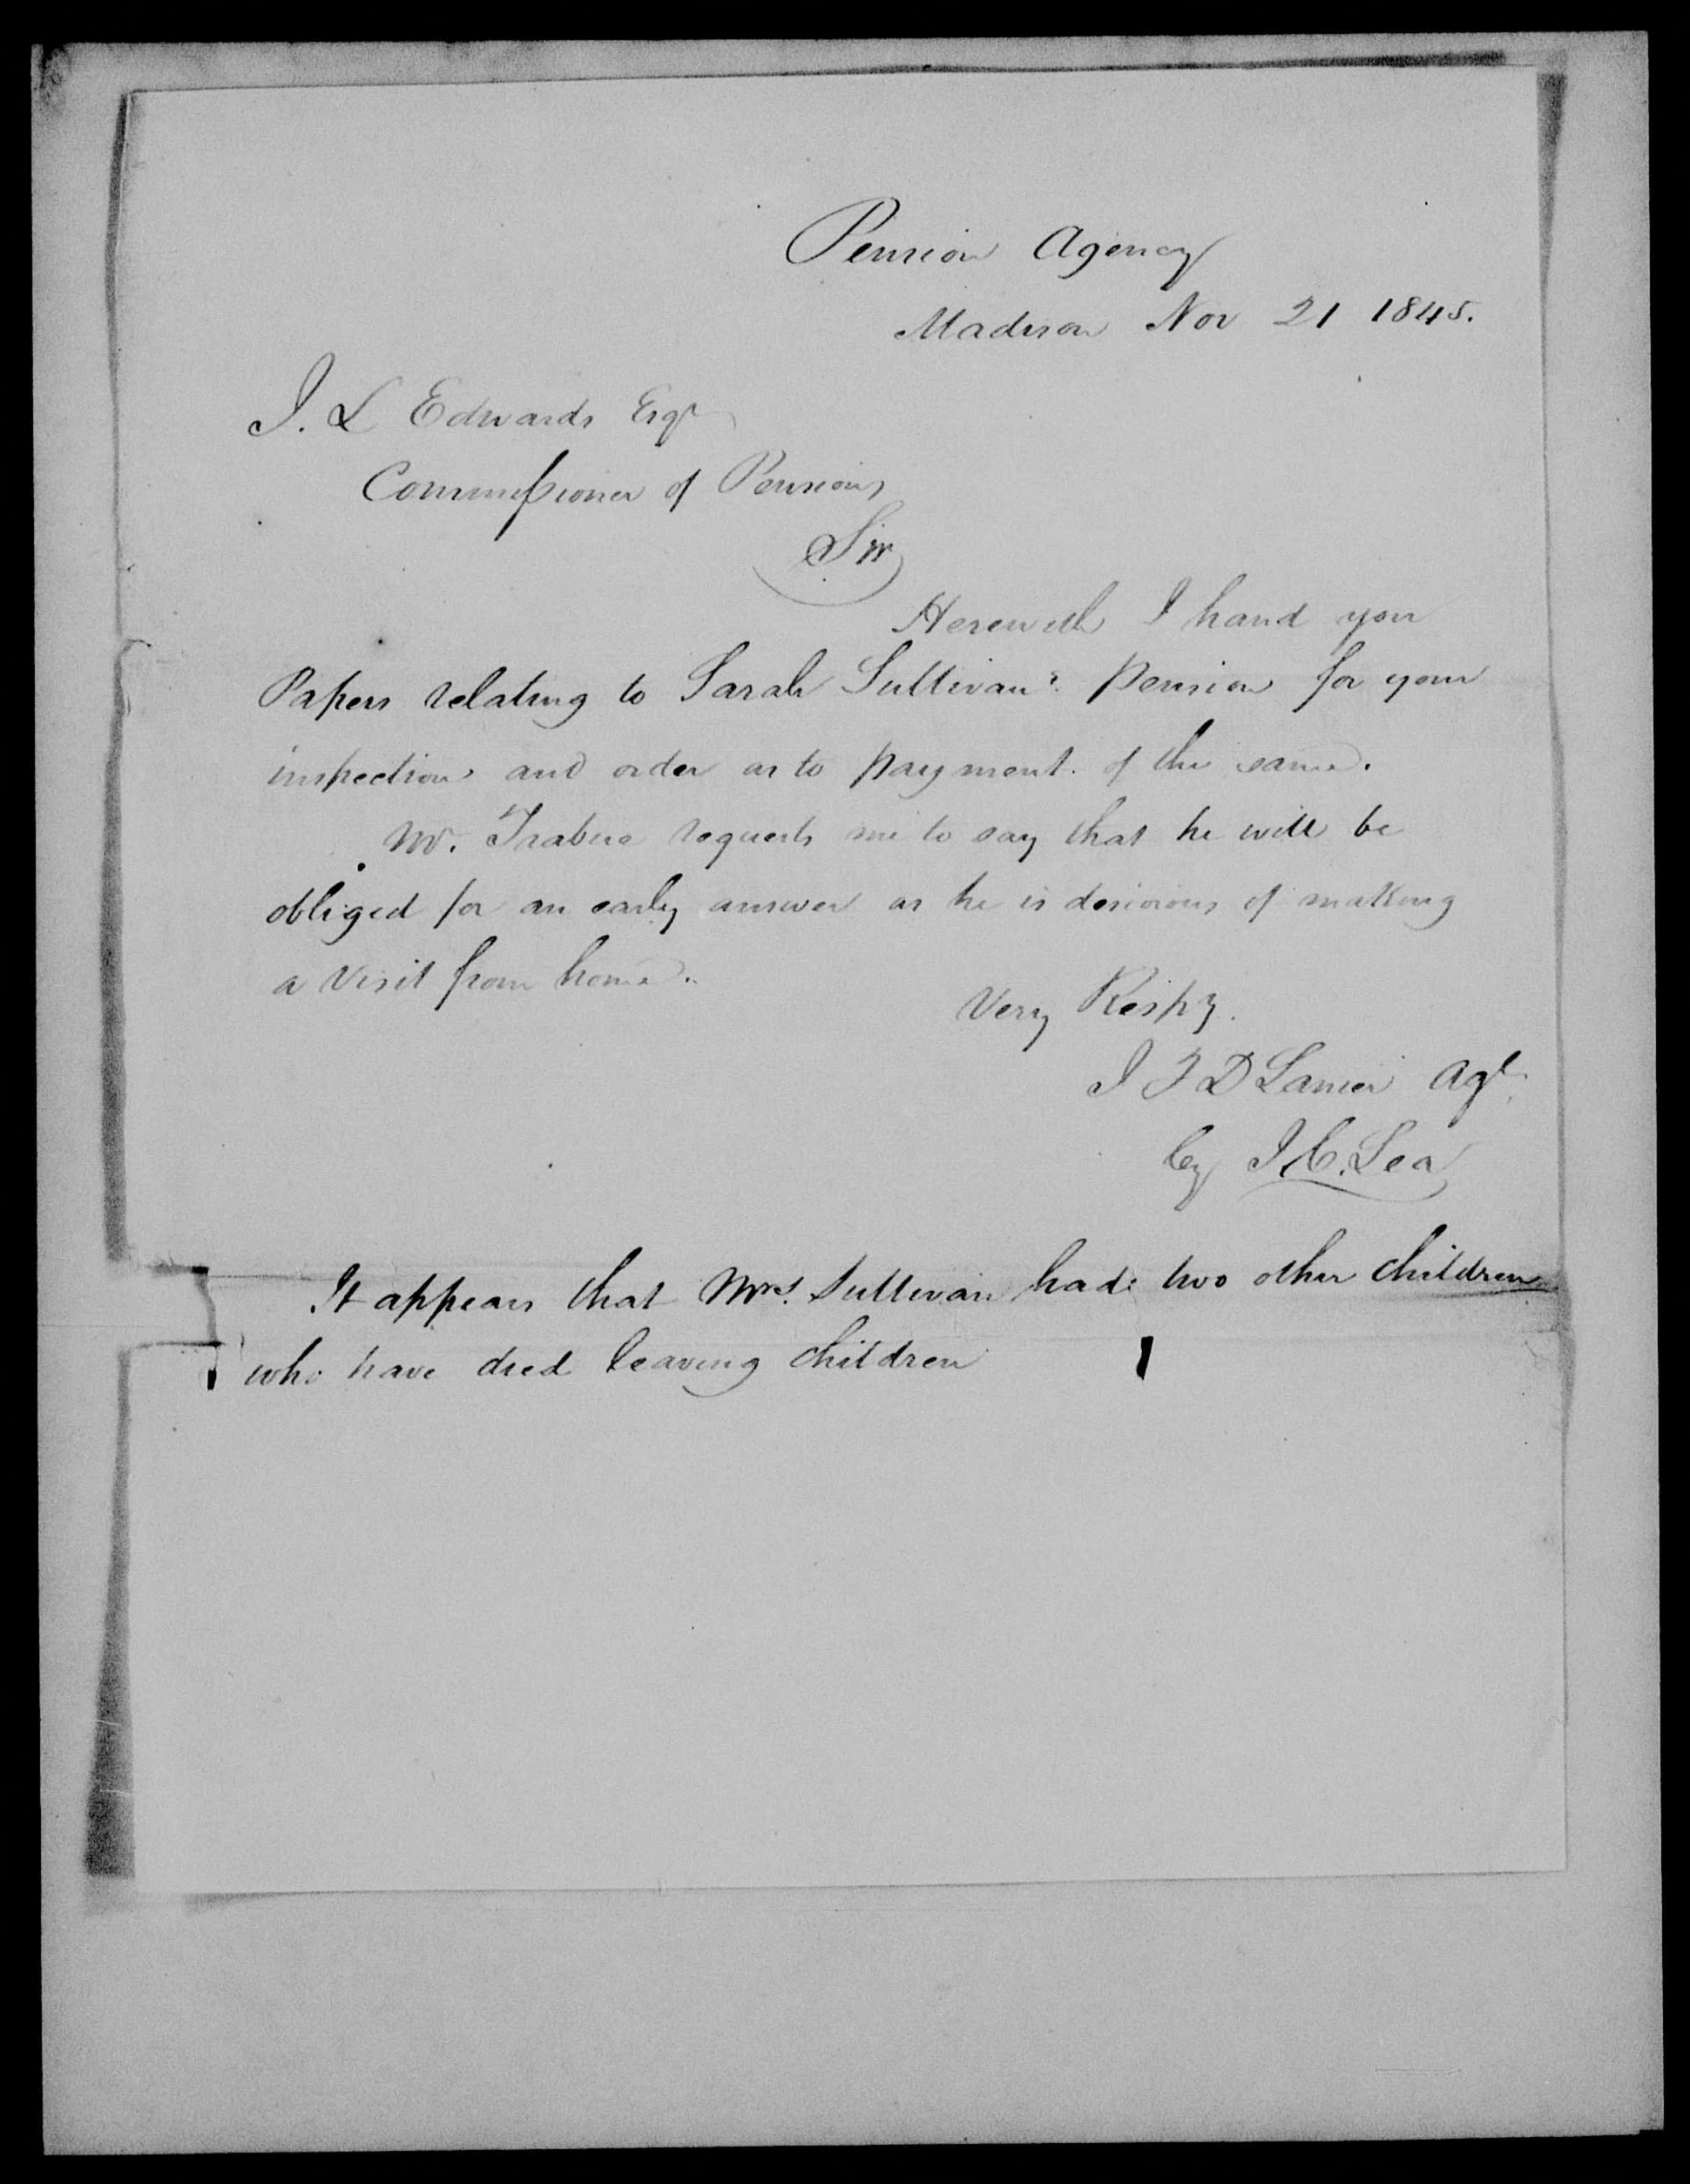Pension Agency
Madison Nov 21 1845.

J.L Edwards Esqr
Commissioner of Pensions

Sir

Herewith I hand you papers relating to Sarah Sullivan's pension for your inspection and order as to payment of the same.

Mr. Trabue requests me to say that he will be obliged for an early answer as he is desirous of making a visit from home.

Very Respy.
J L[sp] D Lanier Agt.
[signed] by J. C. Lea

It appears that Mrs. Sullivan had two other children who have died leaving children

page: 47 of 78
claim: widow's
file: W. 25,169, for Daniel Sullivan, Maryland